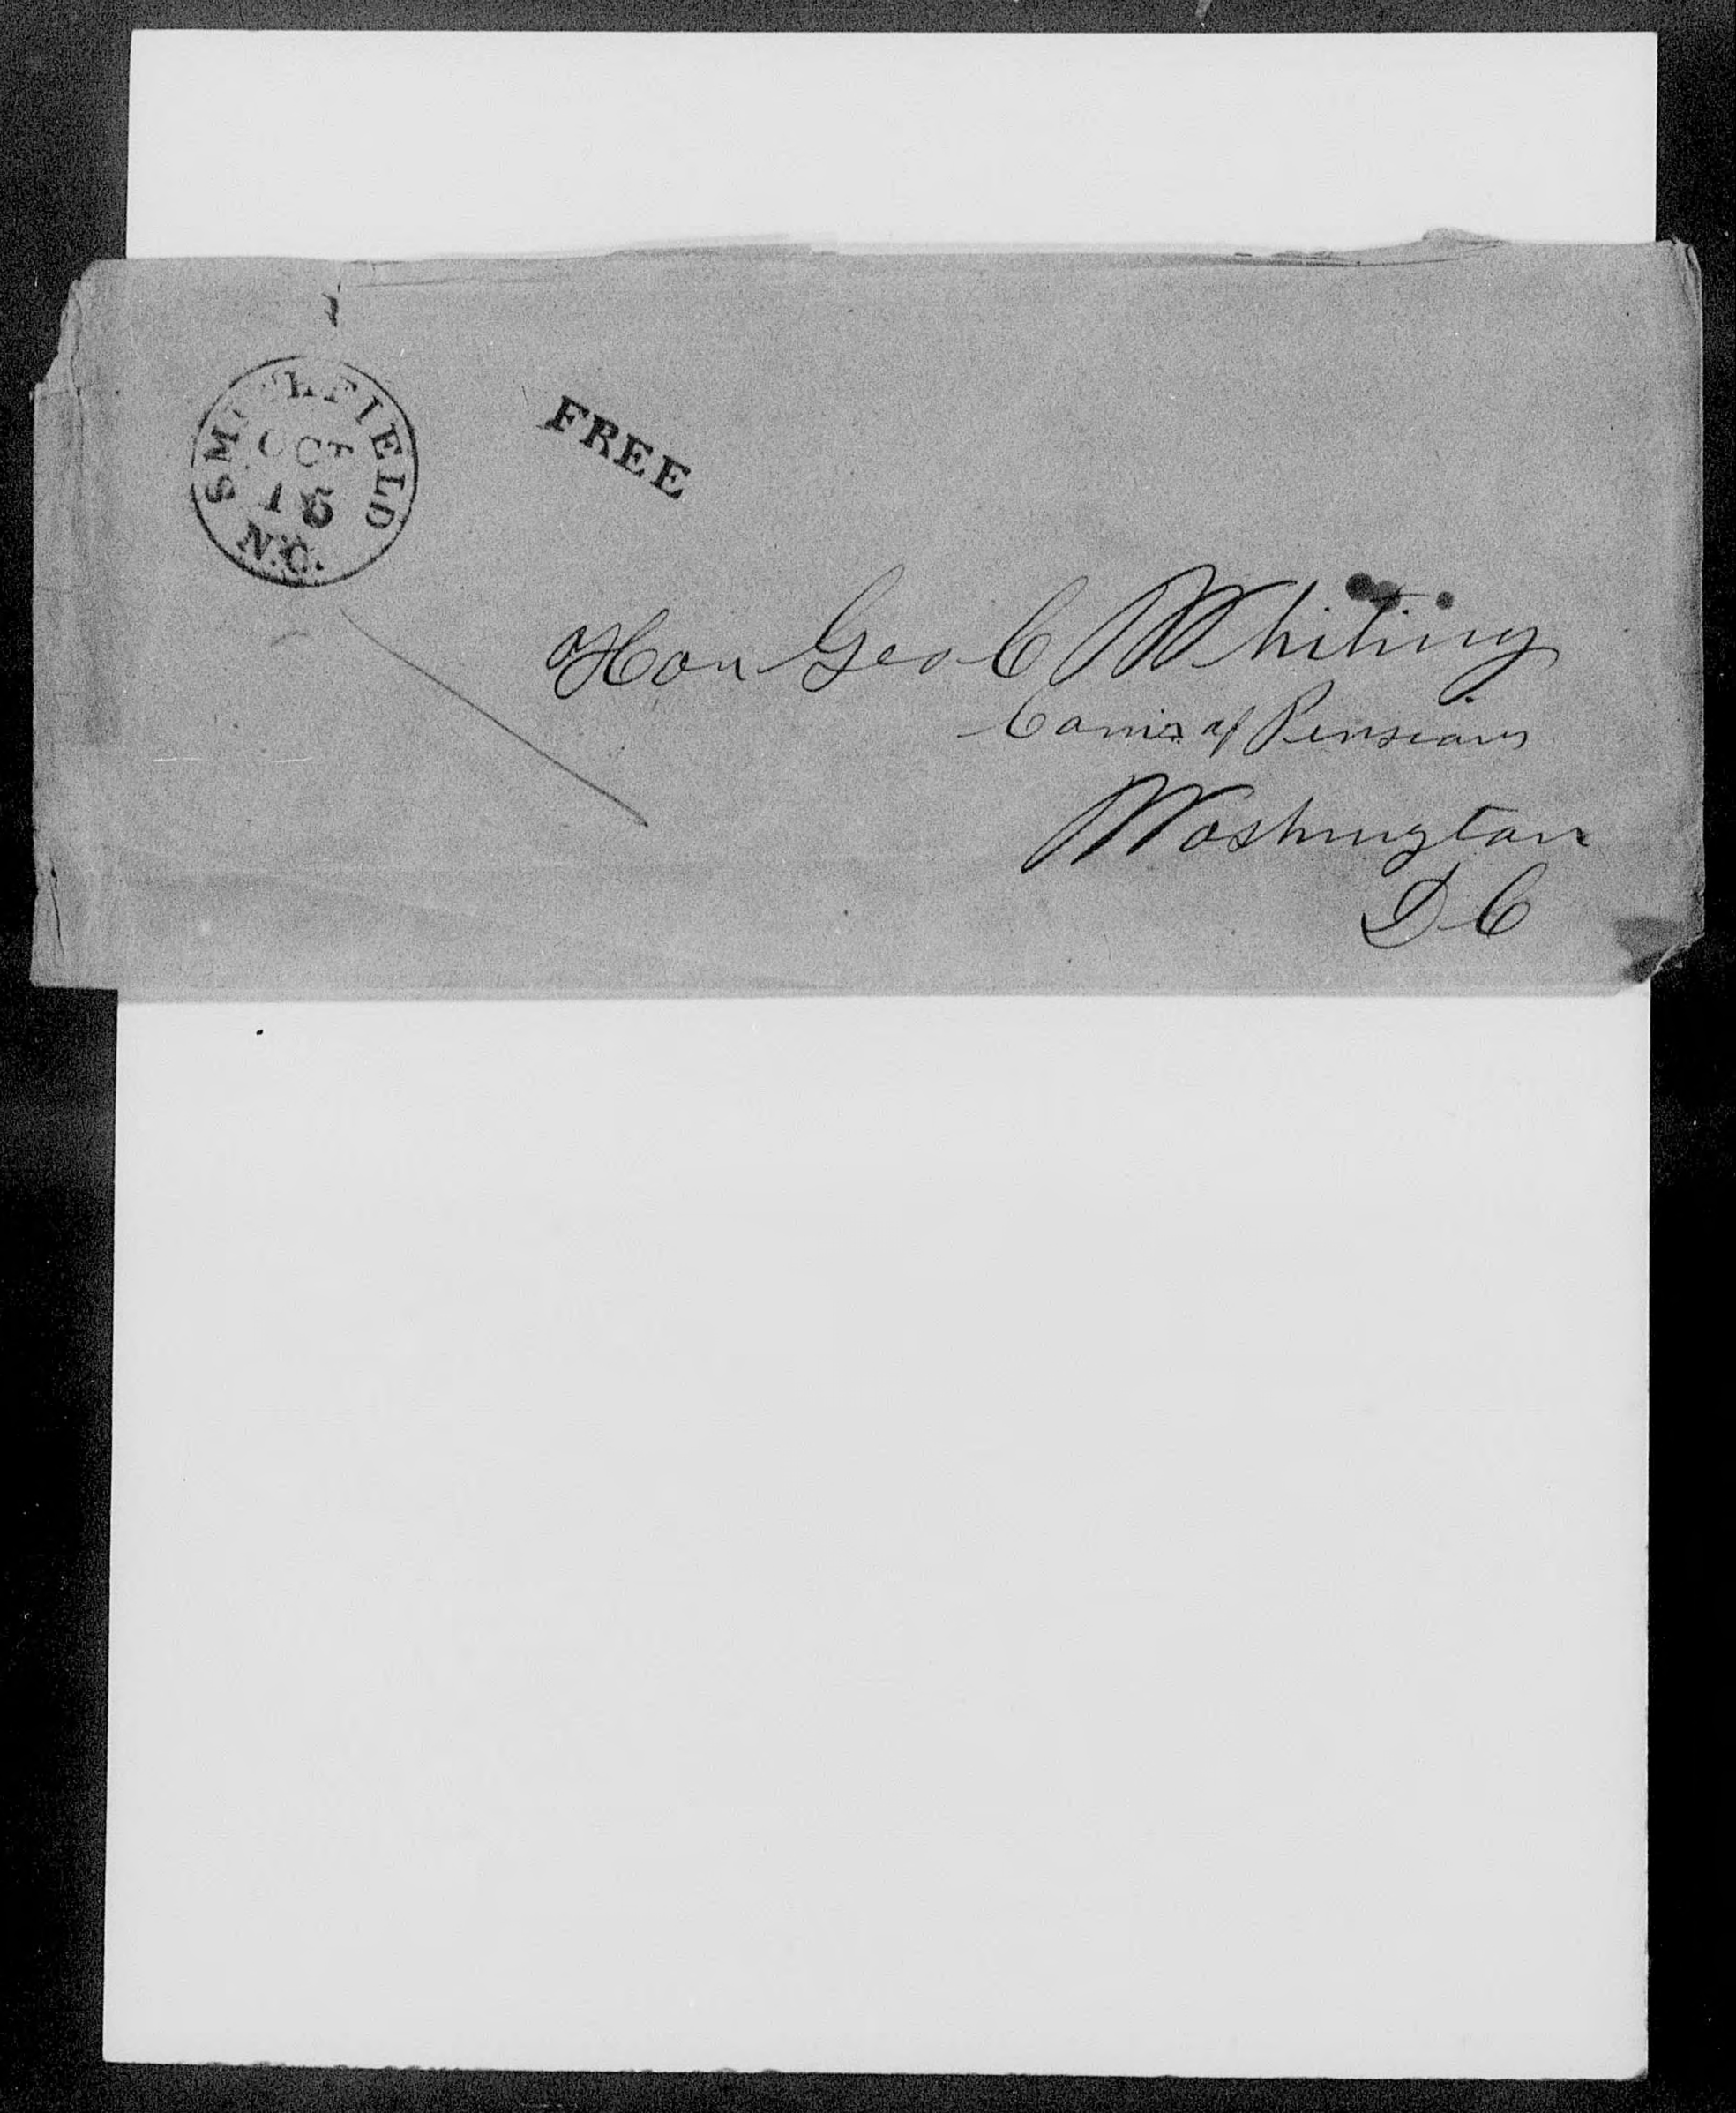[envelope- stamped]
Smithfield NC
Oct 15
Free

Hon Geo C. Whiting
Comm of pensions
Washington DC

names: Geo C Whiting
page: 34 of 86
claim: widow's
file: W. 6899, James Carrell, N.C.